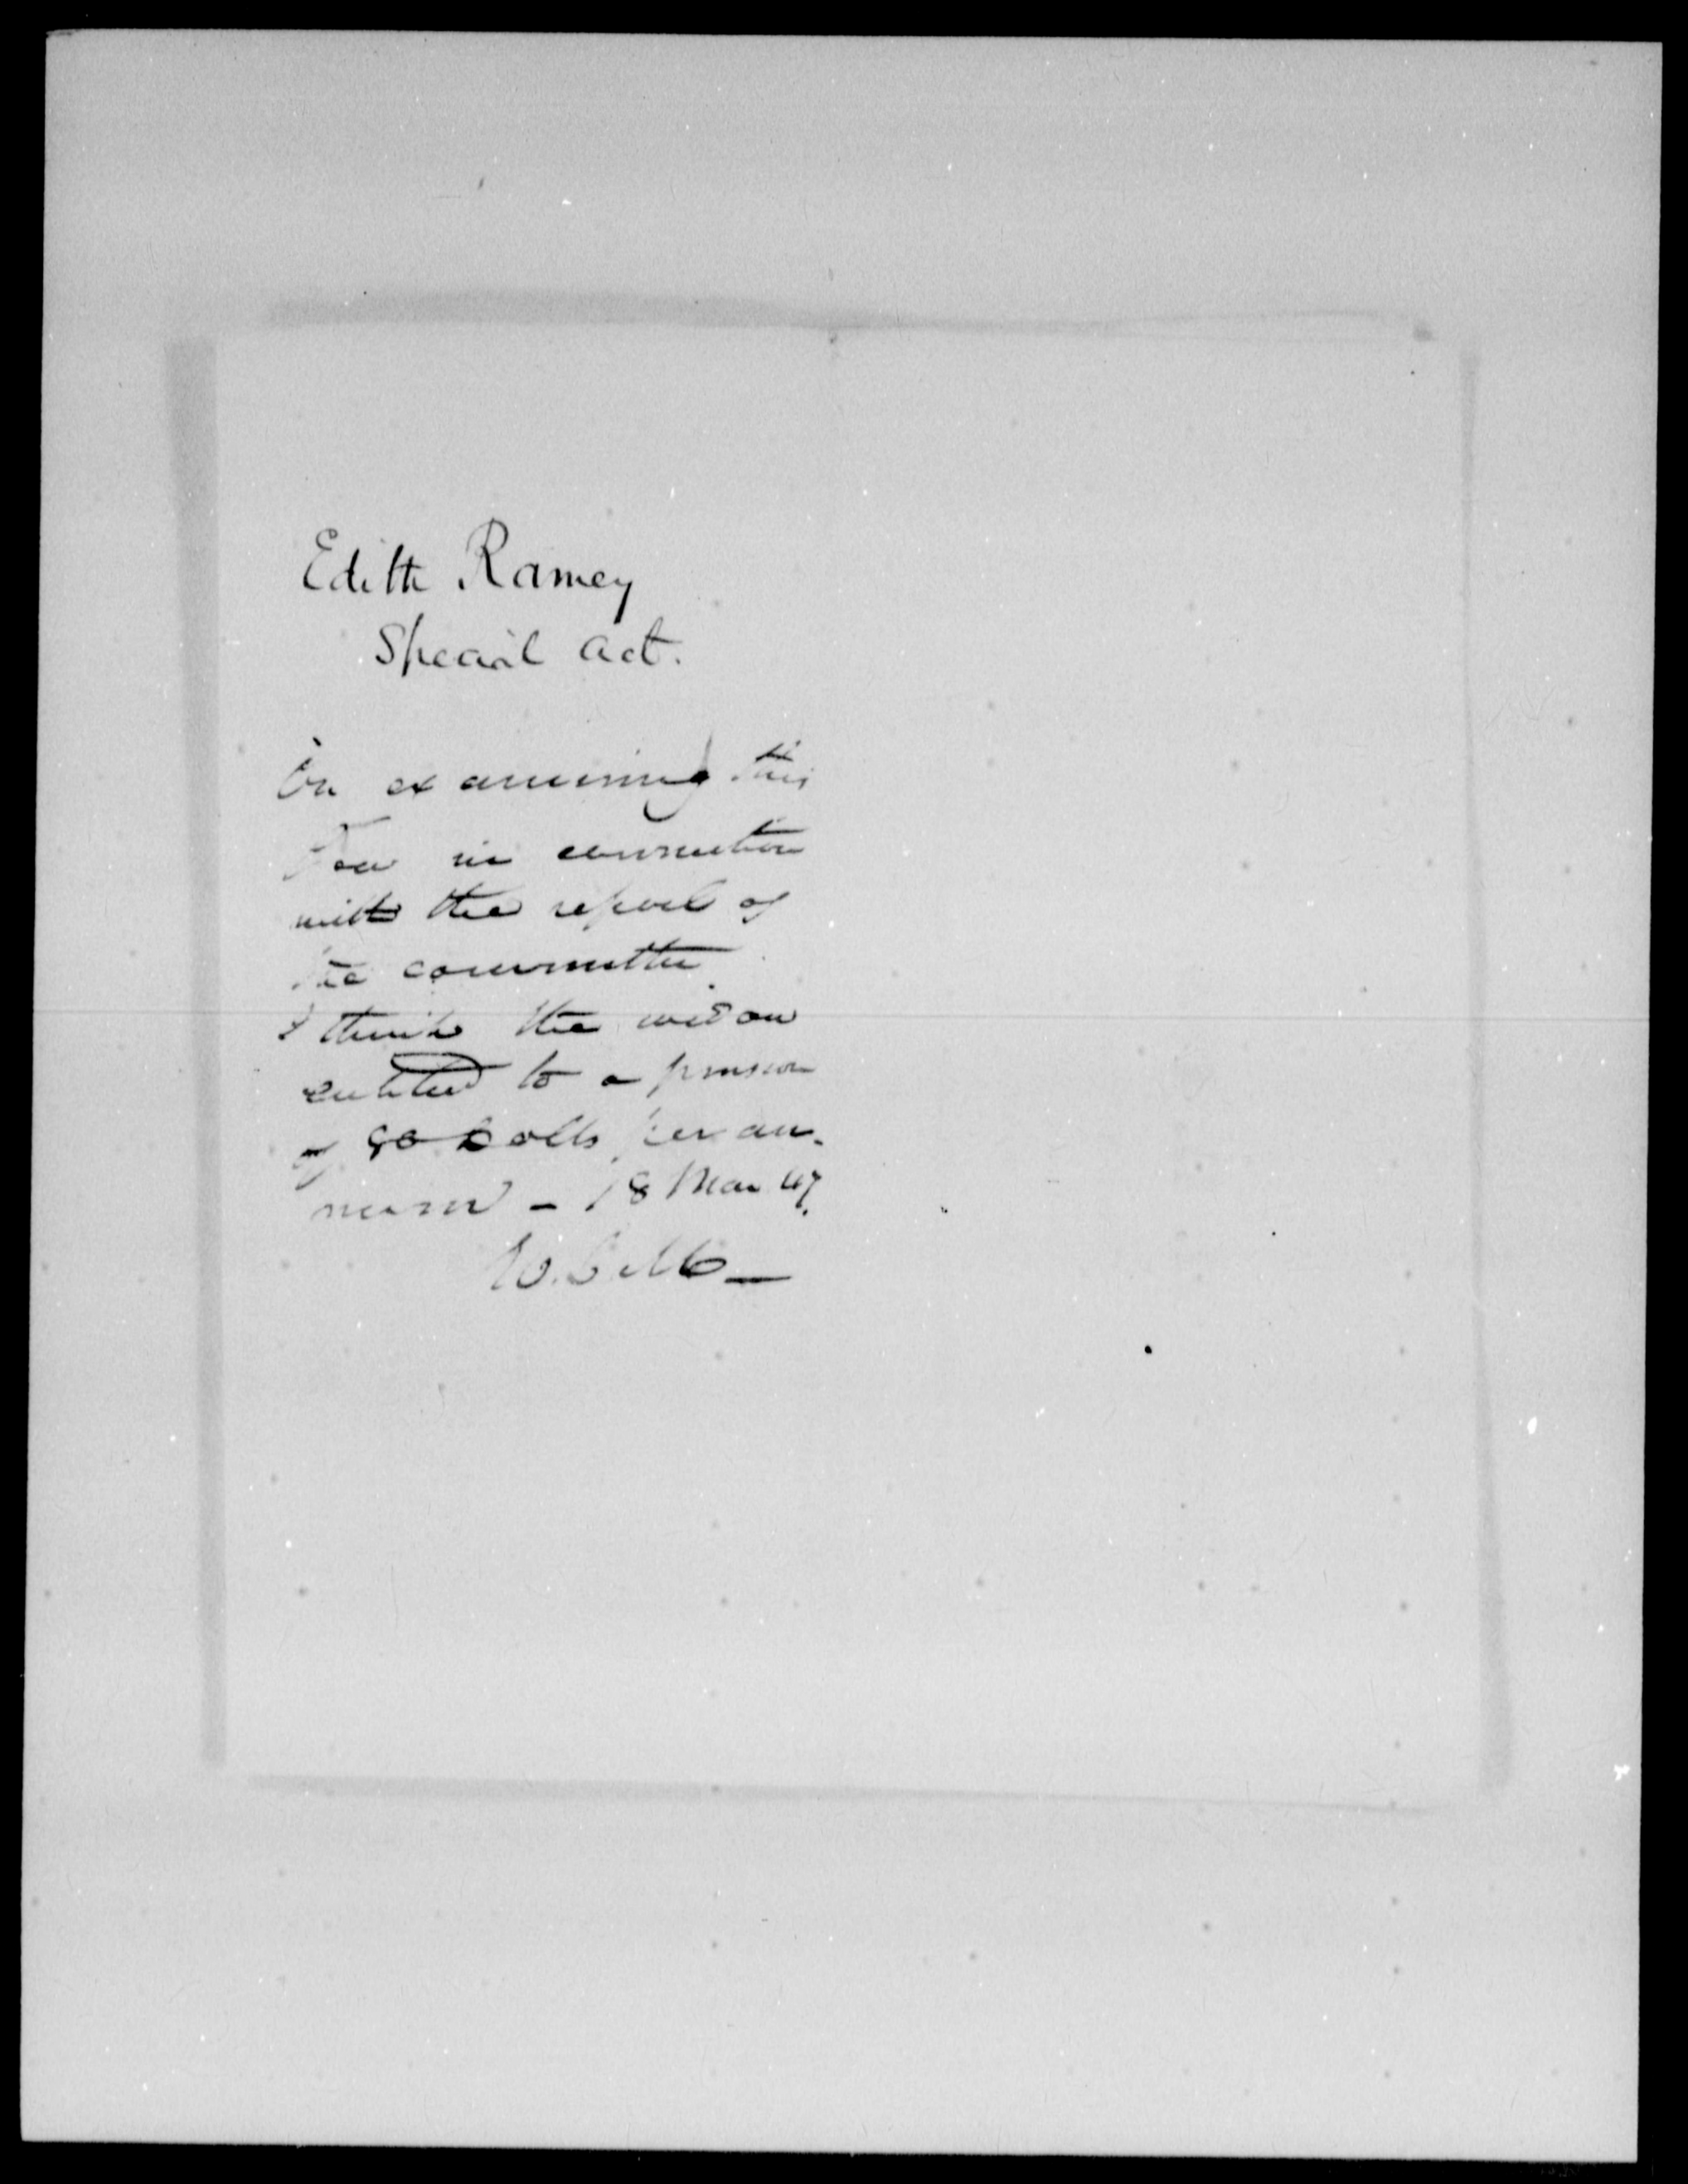Edith Ramey
Special Act.
In examining this 
Case in [illegible]
with the repeal of
the committee
I think the widow
entitled to a pension
of 80 Dolls. per annum
- 18 Mar 47.
W. LM-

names: Edith Ramey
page: 74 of 84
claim: widow's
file: W.11104, for John Remay, Virginia